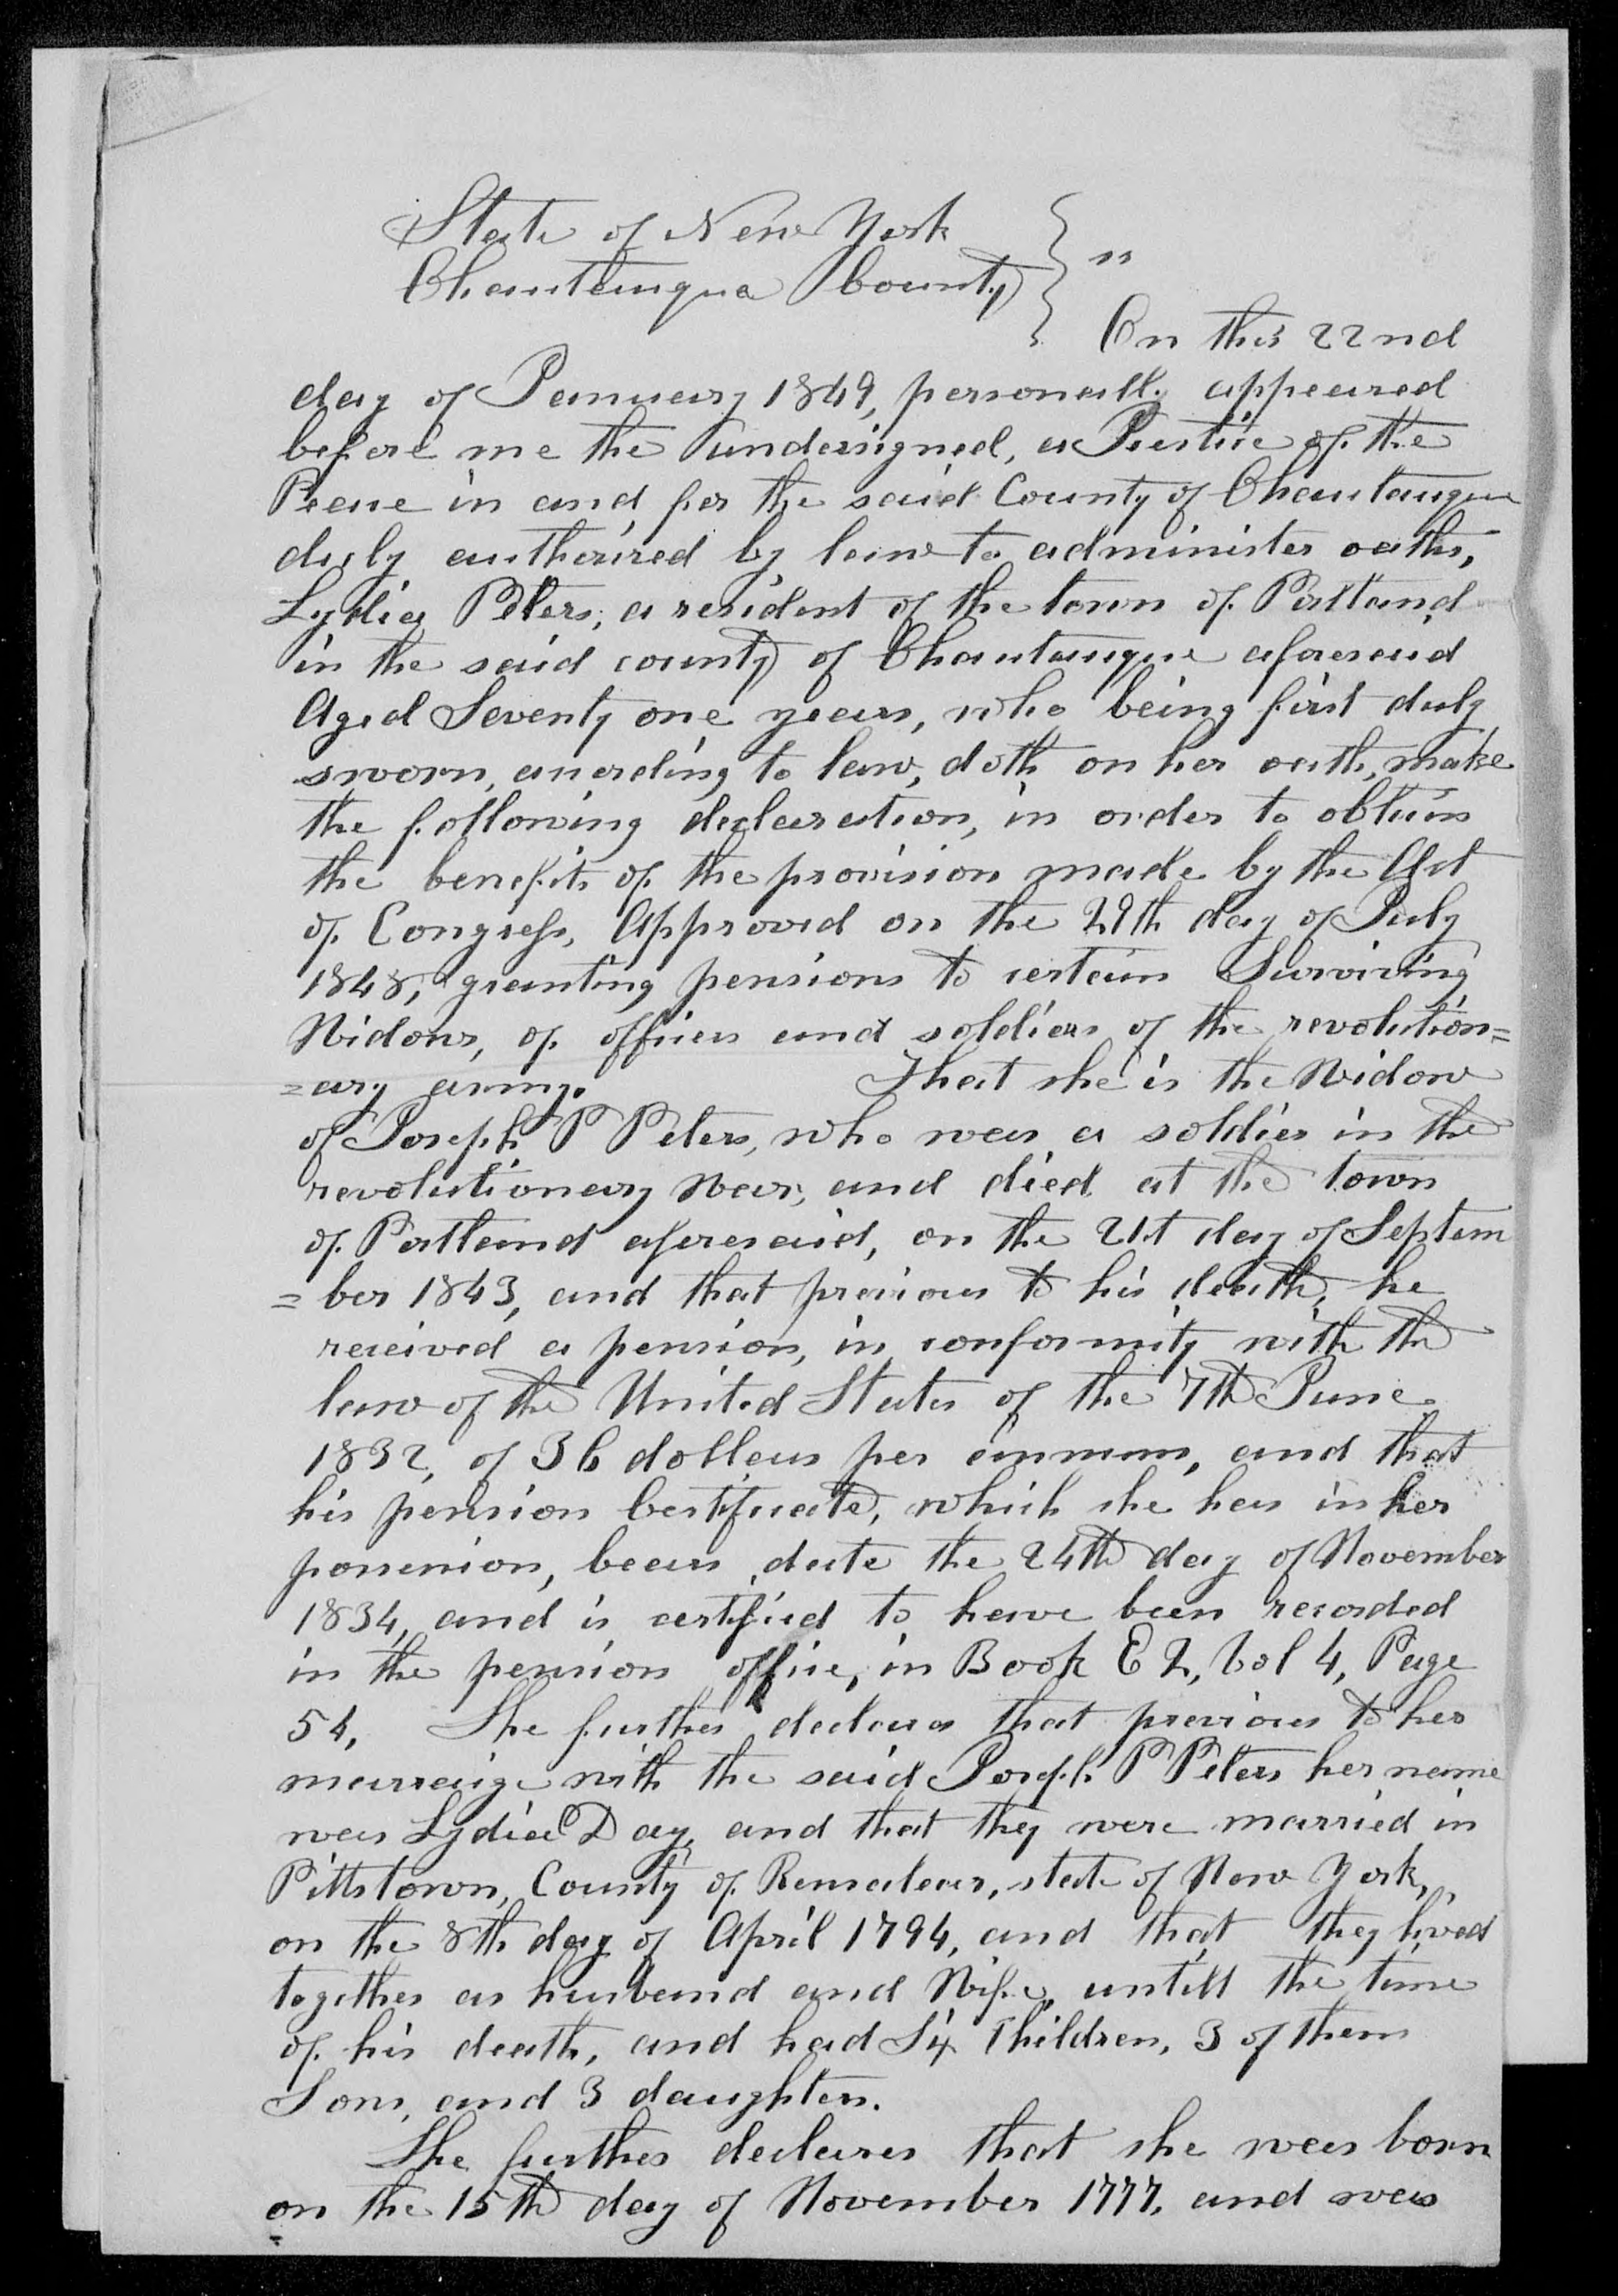State of New York 
Chautauqua County }ss   On this 22nd day of January 1849, personally appeared before me the undersigned, a Justice of the Peace in and for the said County of Chautauqua duly authorized by law to administer oaths, Lydia Peters, a resident of the town of of Portland in the said County of Chautauqua aforesaid aged Seventy one years, who being first duly sworn, according to law, doth on her oath, make the following declaration, in order to obtain the benefits of the provision made by the lot of Congress, approved on the 29th day of July 1843, granting pensions to certain surviving Widows of officers and soldiers of the revolutionary Army.   That she is the Widow of Joseph P Peters, who was a soldier in the revolutionary war, and died at the town of Portland aforesaid, on the 1st day of September 1843, and that previous to his death he received a pension, in conformity with the law of the United States of the 7th June 1832, of 36 dollars per annum, and that his pension Certificate, which she has in her Possession, bears date the 24th day of November 1834, and is certified to have been recorded in the pension office, in Book E, Vol 4, Page 54. She further declares that previous to her marriage with the said Joseph P Peters her name was Lydia Day, and that they were married in Pittstown, County of Rensselaer, State of New York, on the 8th day of April 1794, and that they lived together as husband and wife untill the time of his death, and had Six children, 3 of them Sons, and 3 daughters.  She further declares that she was born on the 15th day of November 1777, and was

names: Joseph P Peters; Lydia Peters; Lydia Day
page: 55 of 73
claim: widow's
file: W. 2338, for Joseph P Peters, Connecticut